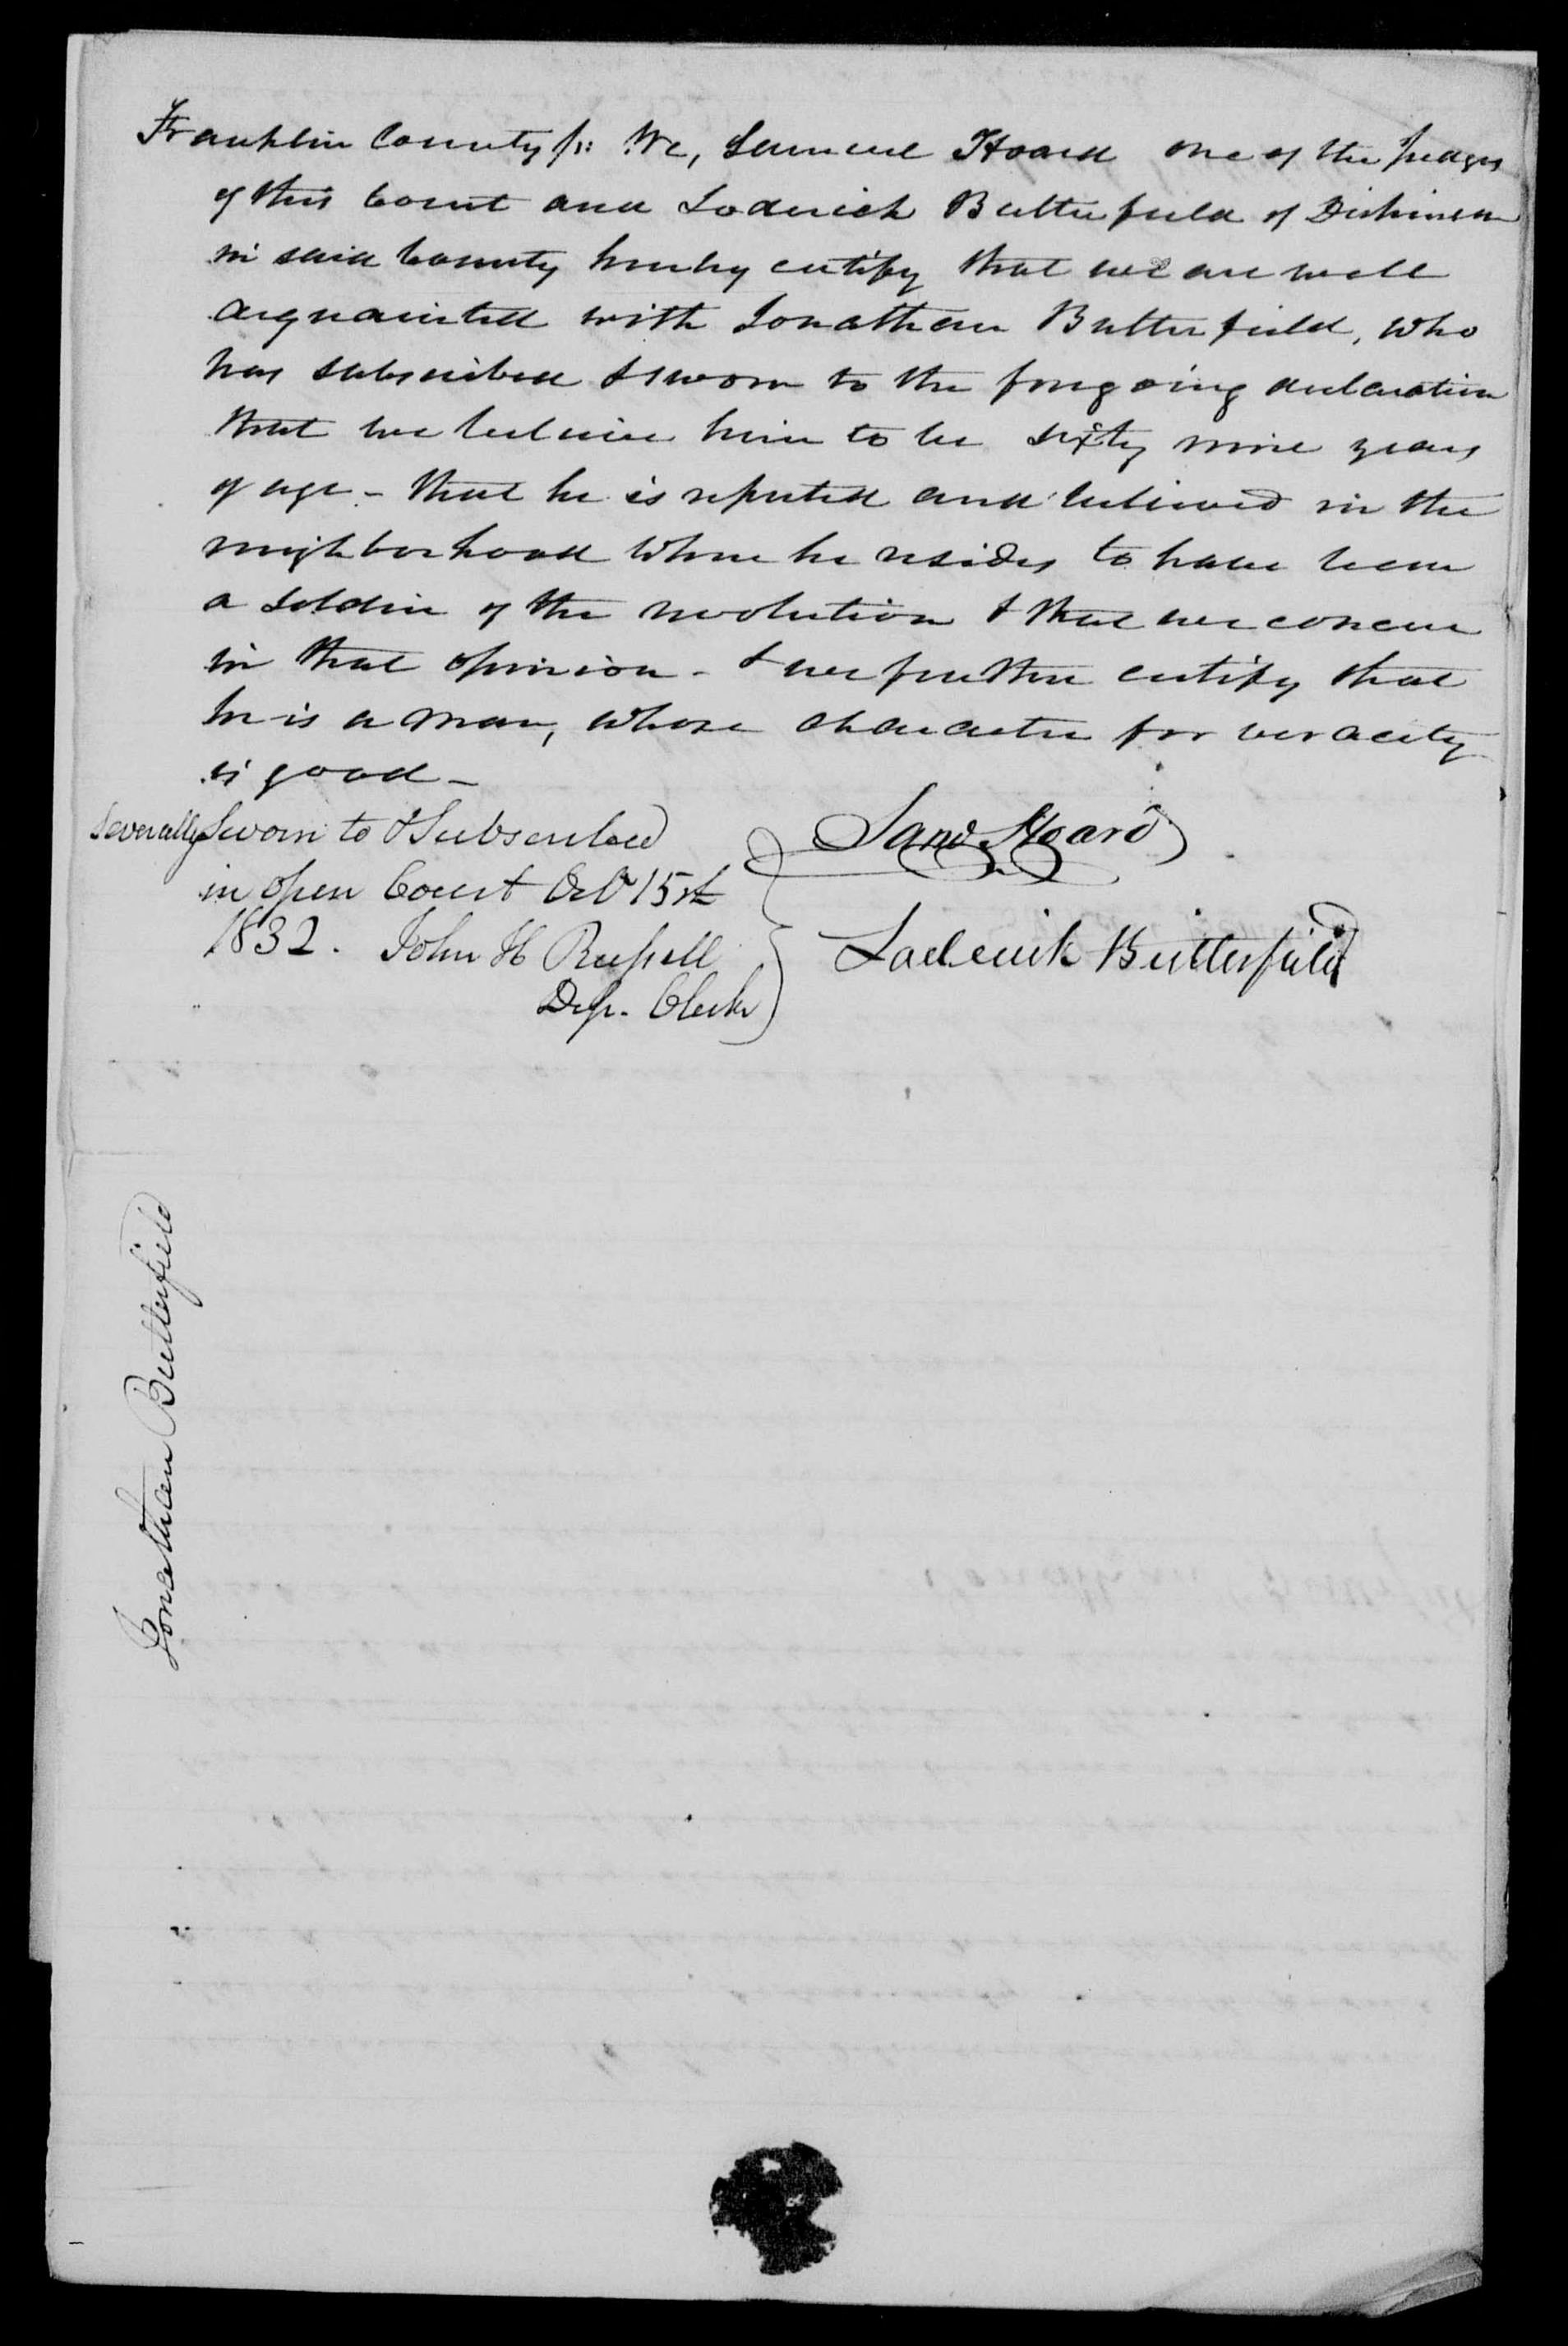Franklin County
 We, Samuel Heard, one of the Judges
of this Court and Lodwick Butterfield of Dickenson in said County hereby certify that we are well acquainted with Jonathan Butterfield, who has subscribed & sworn to the foregoing declaration that we believe him to be sixty nine years of age that he is reputed and believed in the neighborhood where he resides to have been a soldier of the revolution & that we concur in that opinion & he further certify that he is a man whose character for veracity is good.

Samuel Heard
Lodwick Butterfield
.
Severally Sworn to & Subscribed in open Court Oct 15th 1832
John H Russell
Dep. Clerk


Jonathan Butterfield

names: Lodwick Butterfield, Samuel Hoard, Lodwick Butterfield, John H Russell, Jonathan Butterfield, Jonathan Butterfield, Saml Hoard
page: 5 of 40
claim: rejected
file: R. 1558, Jonathan Butterfield, Mass. Vt.